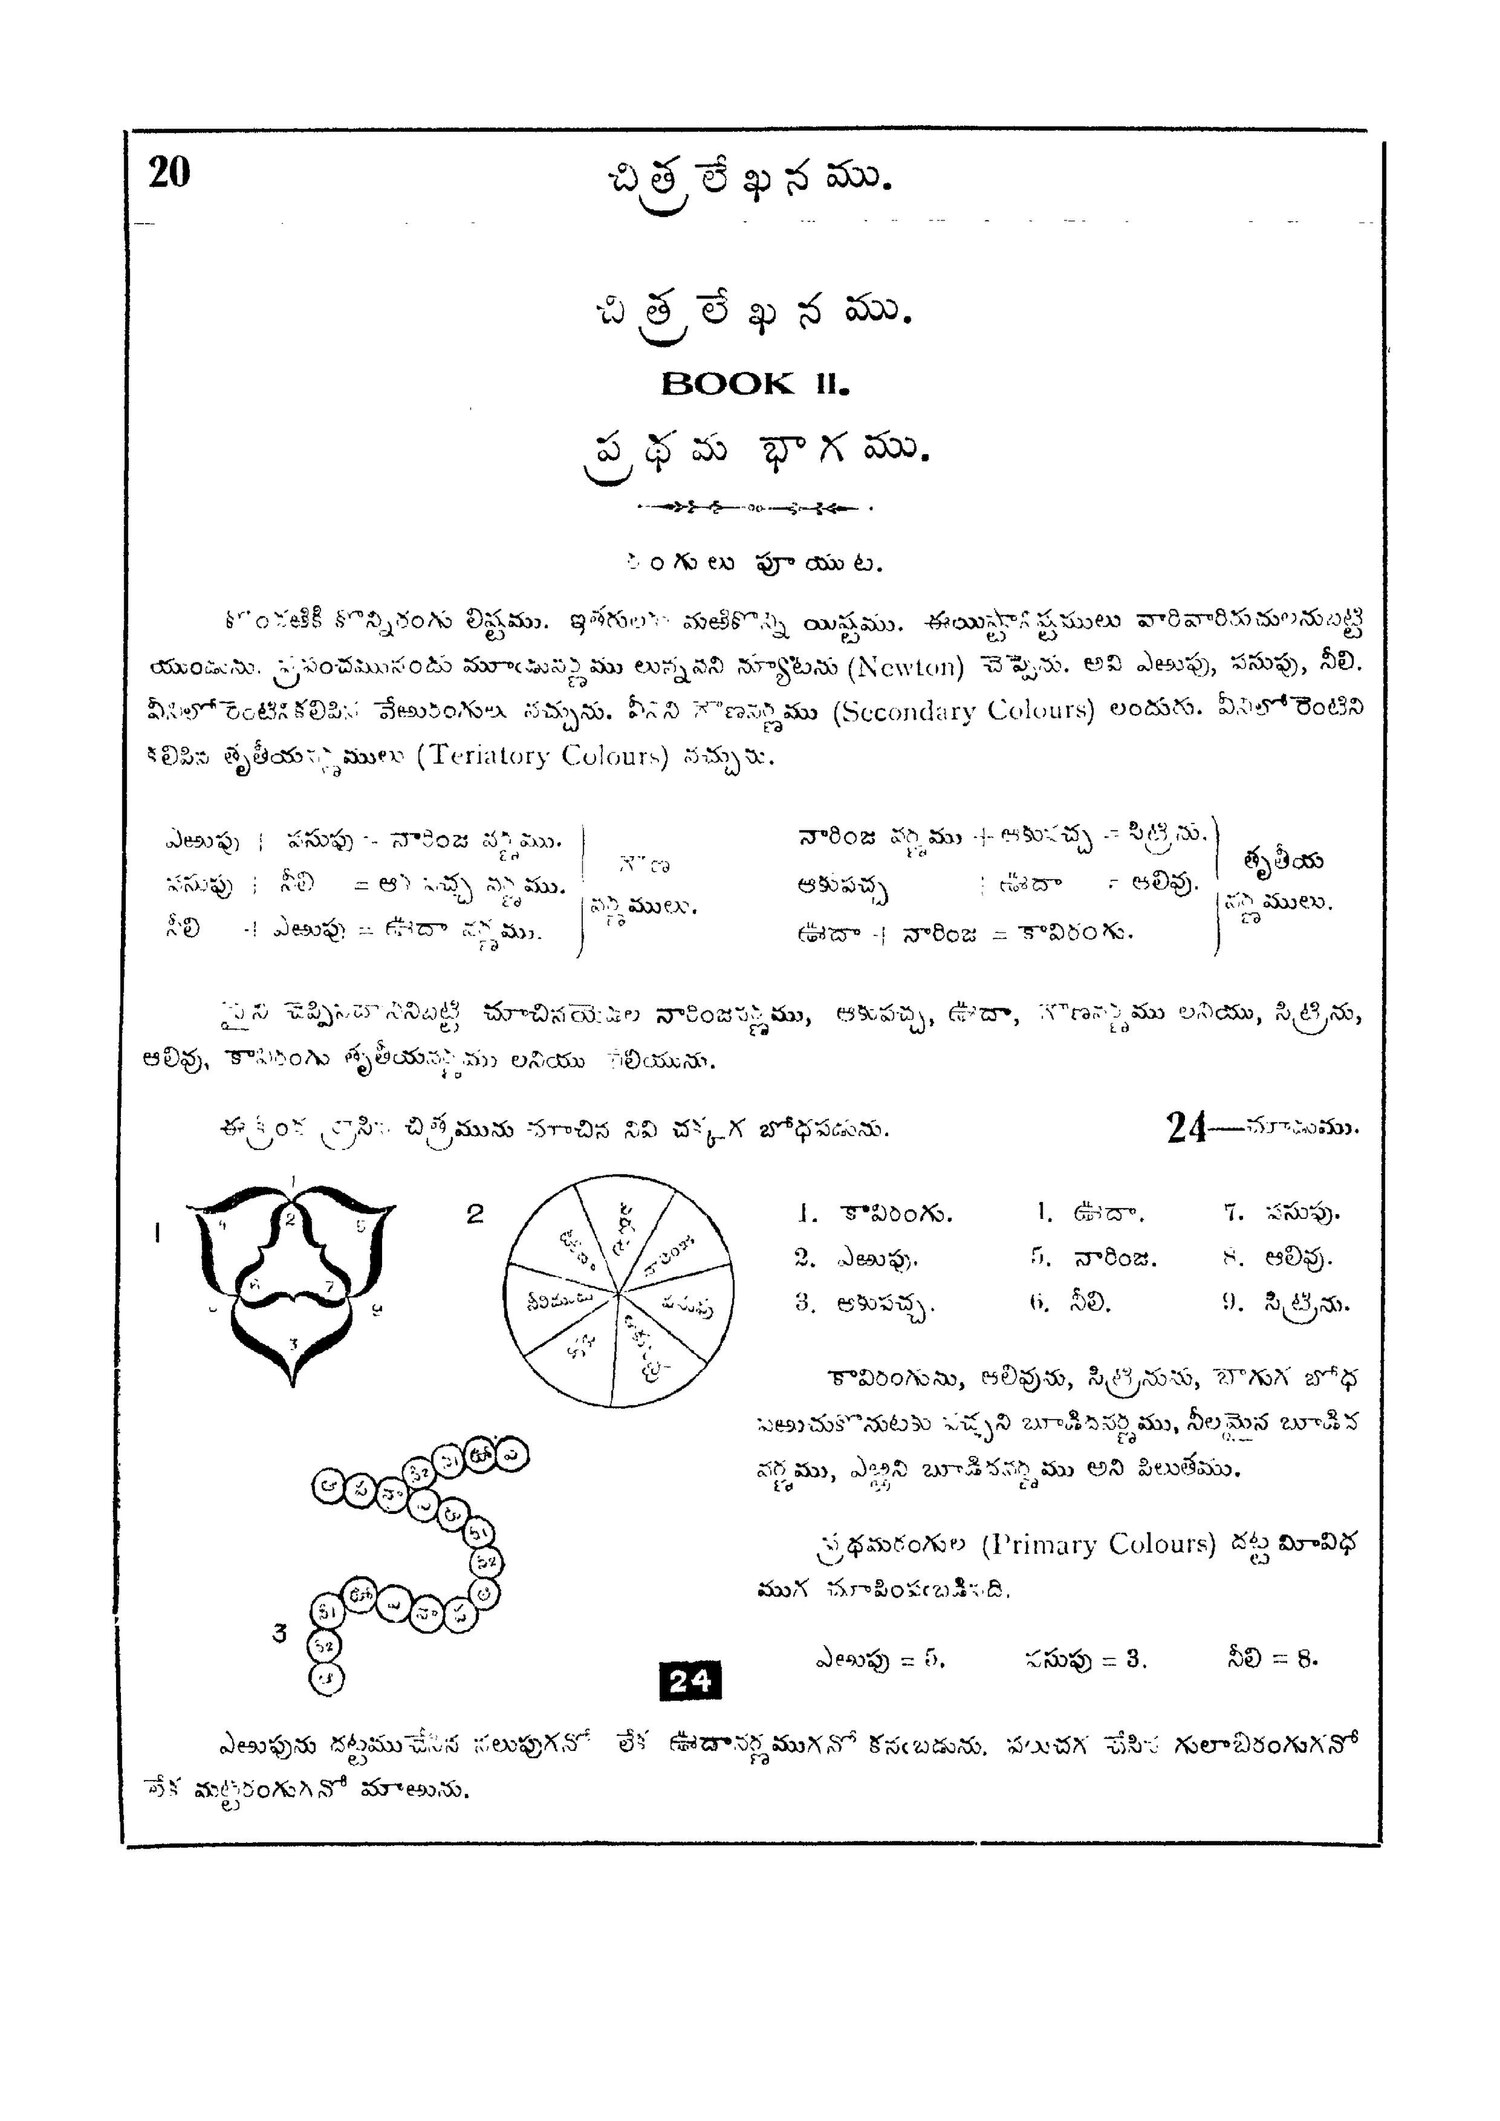కొందఱికి కొన్నిరంగు లిష్టము. ఇతరులకు మఱికొన్ని యిష్టము. ఈయిష్టానిష్టములు వారివారిరుచులనుబట్టి యుండును. ప్రపంచమునందు మూడువర్ణము లున్నవని న్యూటెను (Newton) చెప్పెను. అవి ఎఱుపు, పసుపు, నీలి. వీనిలోరెంటినికలిపిన వేఱురంగులు వచ్చును. వీనిని గౌణవర్ణము (Secondary Colours) లందురు. వీనిలోరెంటిని కలిపిన తృతీయవర్ణములు (Teriatory Colours) వచ్చును.

గౌణ వర్ణములు :- 

ఎఱుపు + పసుపు = నారింజ వర్ణము.

పసుపు + నీలి = ఆకుపచ్చ వర్ణము.

నీలి + ఎఱుపు = ఊదా వర్ణము.

తృతీయ వర్ణములు :-

నారింజ వర్ణము + ఆకుపచ్చ = సిట్రిను

ఆకుపచ్చ + ఊదా + ఆలివు.

ఊదా + నారిజ = కావిరంగు.

పైని చెప్పినదానినిబట్టి చూచినయెడల నారింజవర్ణము, ఆకుపచ్చ, ఊదా, గౌణవర్ణము లనియు, సిట్రిను, ఆలివు, కావిరంగు తృతీయవర్ణము లనియు తెలియును.

ఈక్రింద వ్రాసిన చిత్రమును చూచిన నివి చక్కగ బోధపడును. 24 - చూడుము.

1. కావిరంగు. 2. ఎఱుపు. 3. ఆకుపచ్చ. 4. ఊదా. 5. నారింజ. 6. నీలి. 7. పసుపు. 8. ఆలివు. 9. సిట్రిను.

కావిరంగును, ఆలివును, సిట్రినును, బాగుగా బోధపఱుచుకొనుటకు పచ్చని బూడిదవర్ణము, నీలమైన బూడిదవర్ణము, ఎఱ్ఱని బూడిదవర్ణము అని పిలుతుము. 

ప్రథమరంగుల (Primary Colours) దట్ట మీవిధముగ చూపింపబడినది.

ఎఱుపు = 5. పసుపు = 3. నీలి = 8.

ఎఱుపును దట్టముచేసిన నలుపుగనో లేక ఊదావర్ణముగనో కనబడును. పలుచుగ చేసిన గులాబిరంగుగనో లేక మట్టిరంగుగనో మాఱును.